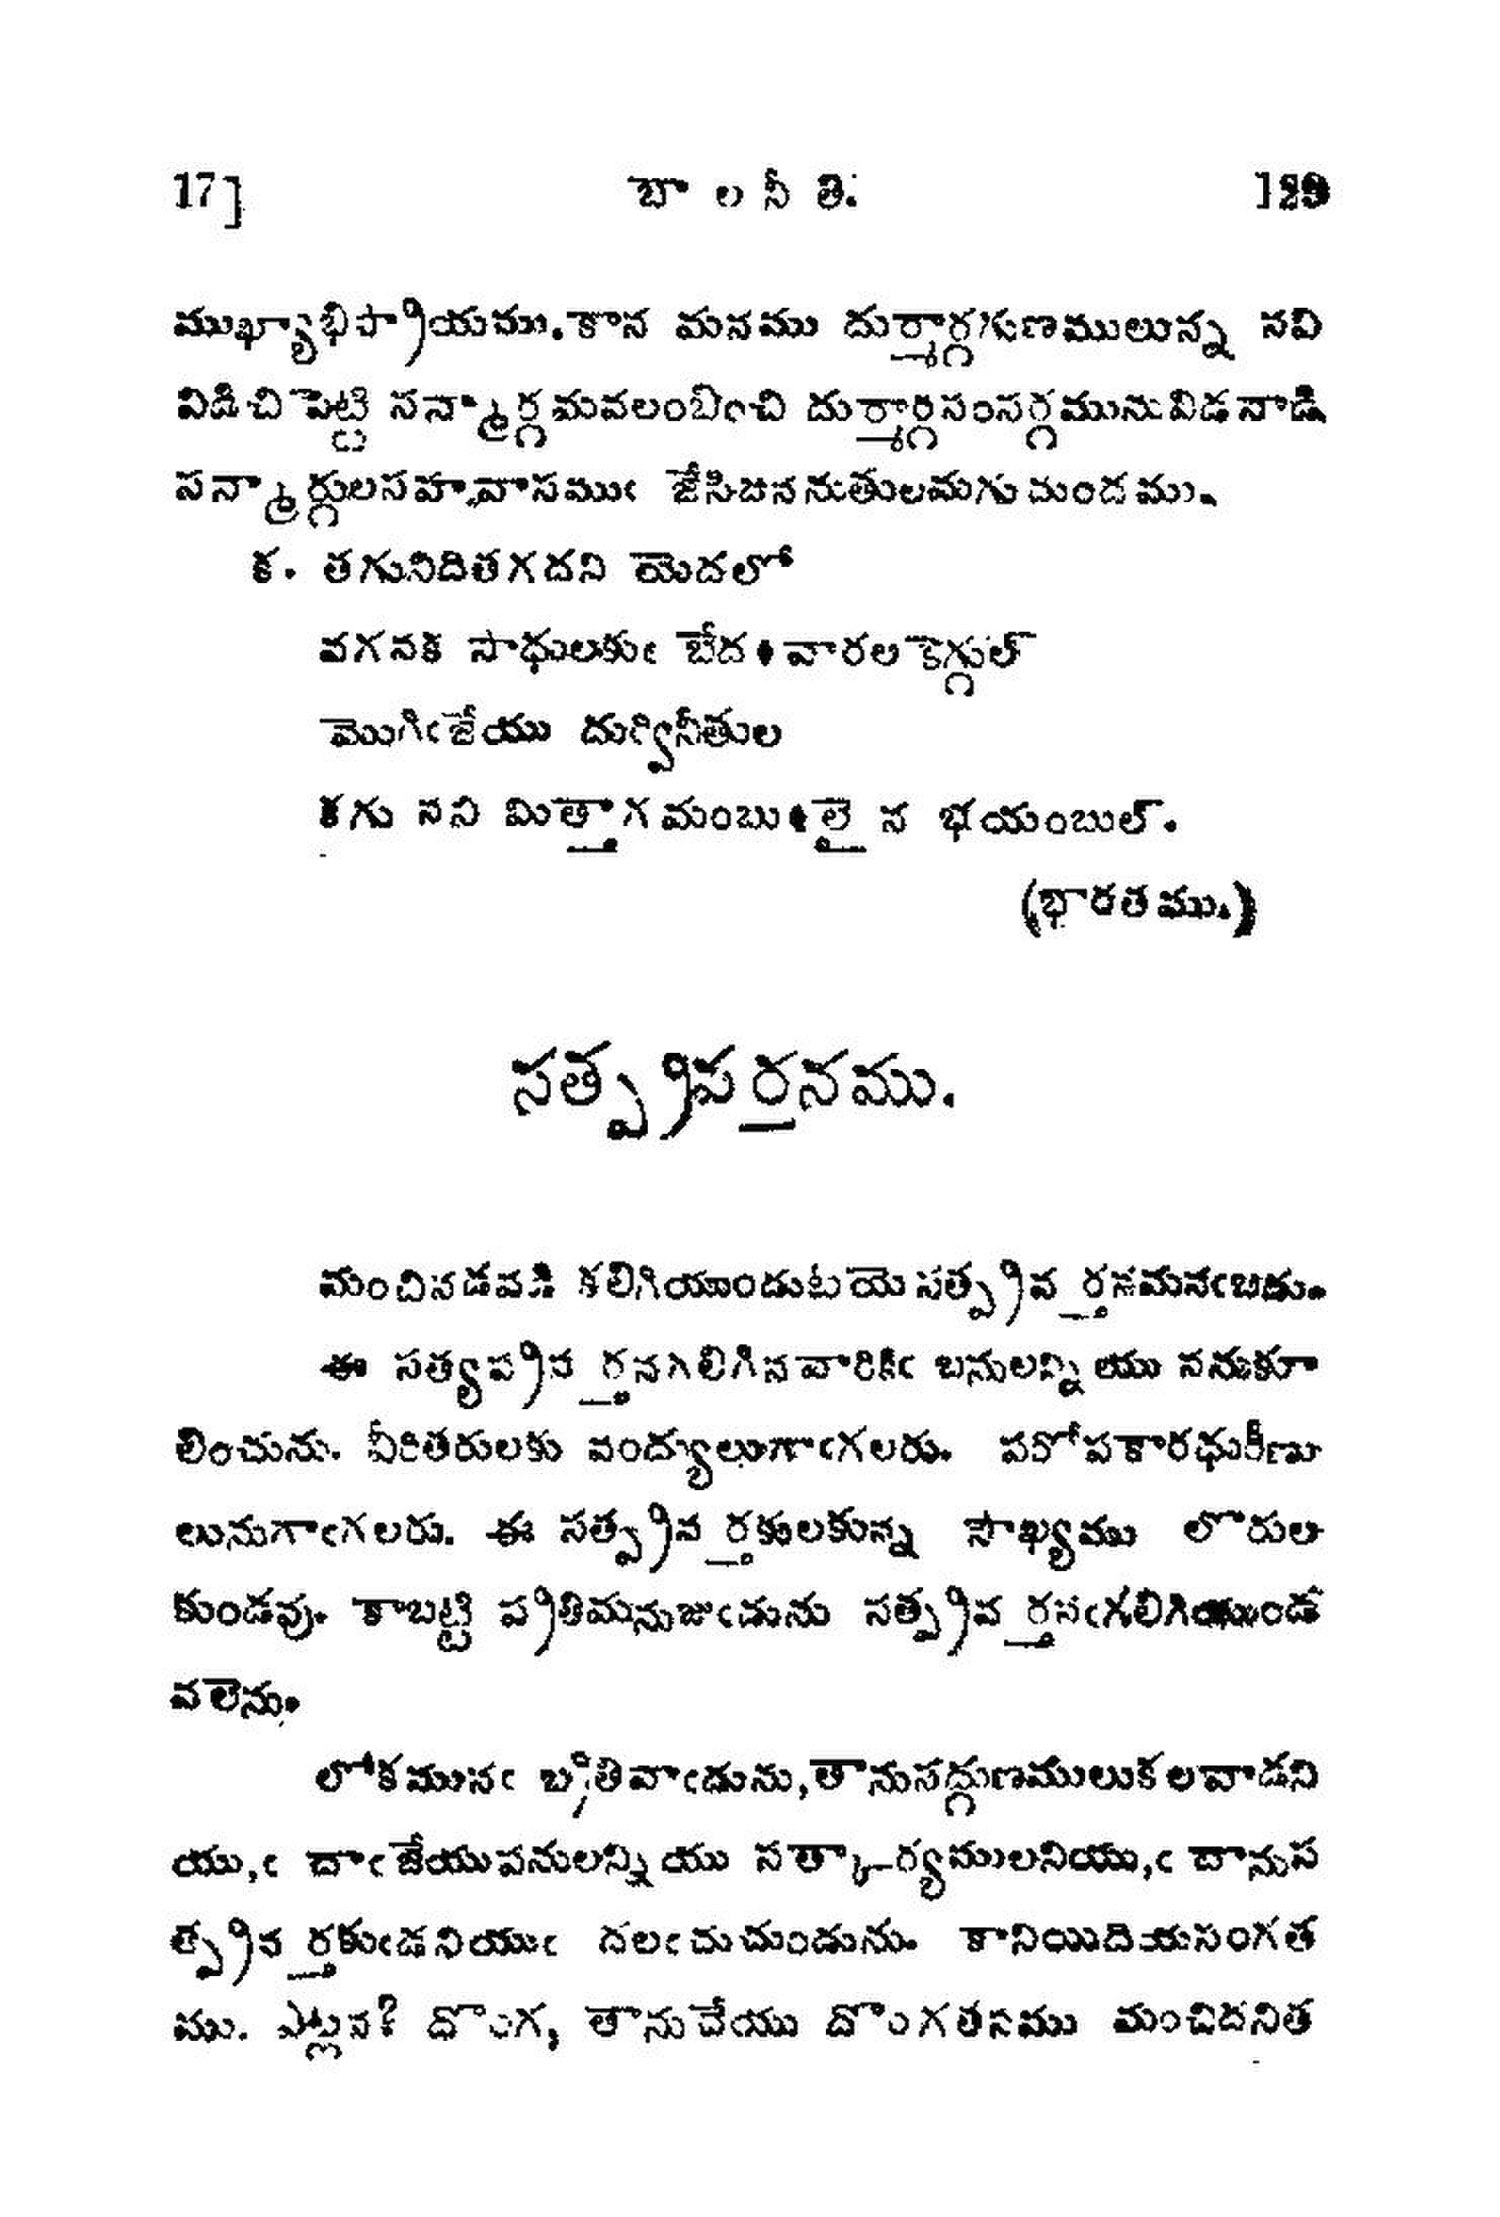ముఖ్యాభిప్రాయము. కాన మనము దుర్మార్గగుణములున్న నవి 
విడిచిపెట్టి సన్మార్గమవలంబించి దుర్మార్గసంసర్గమునువిడనాడి 
సన్మార్గులసహవాసముఁ జేసిజననుతులమగుచుందము.

క. తగునిదితగదని యెదలో
 వగవక సాధులకుఁ బేద♦వారలకెగ్గుల్
 మొగిఁజేయు దుర్వినీతుల
 కగు నని మిత్తాగమంబు♦లైన భయంబుల్.
 (భారతము.)

సత్ప్రవర్తనము.

ఈ సత్యప్రవర్తనగలిగినవారికిఁ బనులన్నియు ననుకూ
లించును. వీరితరులకు వంద్యులుగాఁగలరు. పరోపకారధురీణు
లునుగాఁగలరు. ఈ సత్ప్రవర్తకులకున్న సౌఖ్యము లొరుల
కుండవు. కాబట్టి ప్రతిమనుజుఁడును సత్ప్రవర్తనఁగలిగియుండ
వలెను.

లోకమునఁ బ్రతివాఁడును, తానుసద్గుణములుకలవాడని
యుఁ, దాఁజేయుపనులన్నియు, సత్కార్యములనియుఁ, దానుస
త్ప్రవర్తకుఁడనియుఁ దలఁచుచుండును. కానియిదియసంగత
ము. ఎట్లన? దొంగ, తానుచేయు దొంగతనము మంచిదనిత